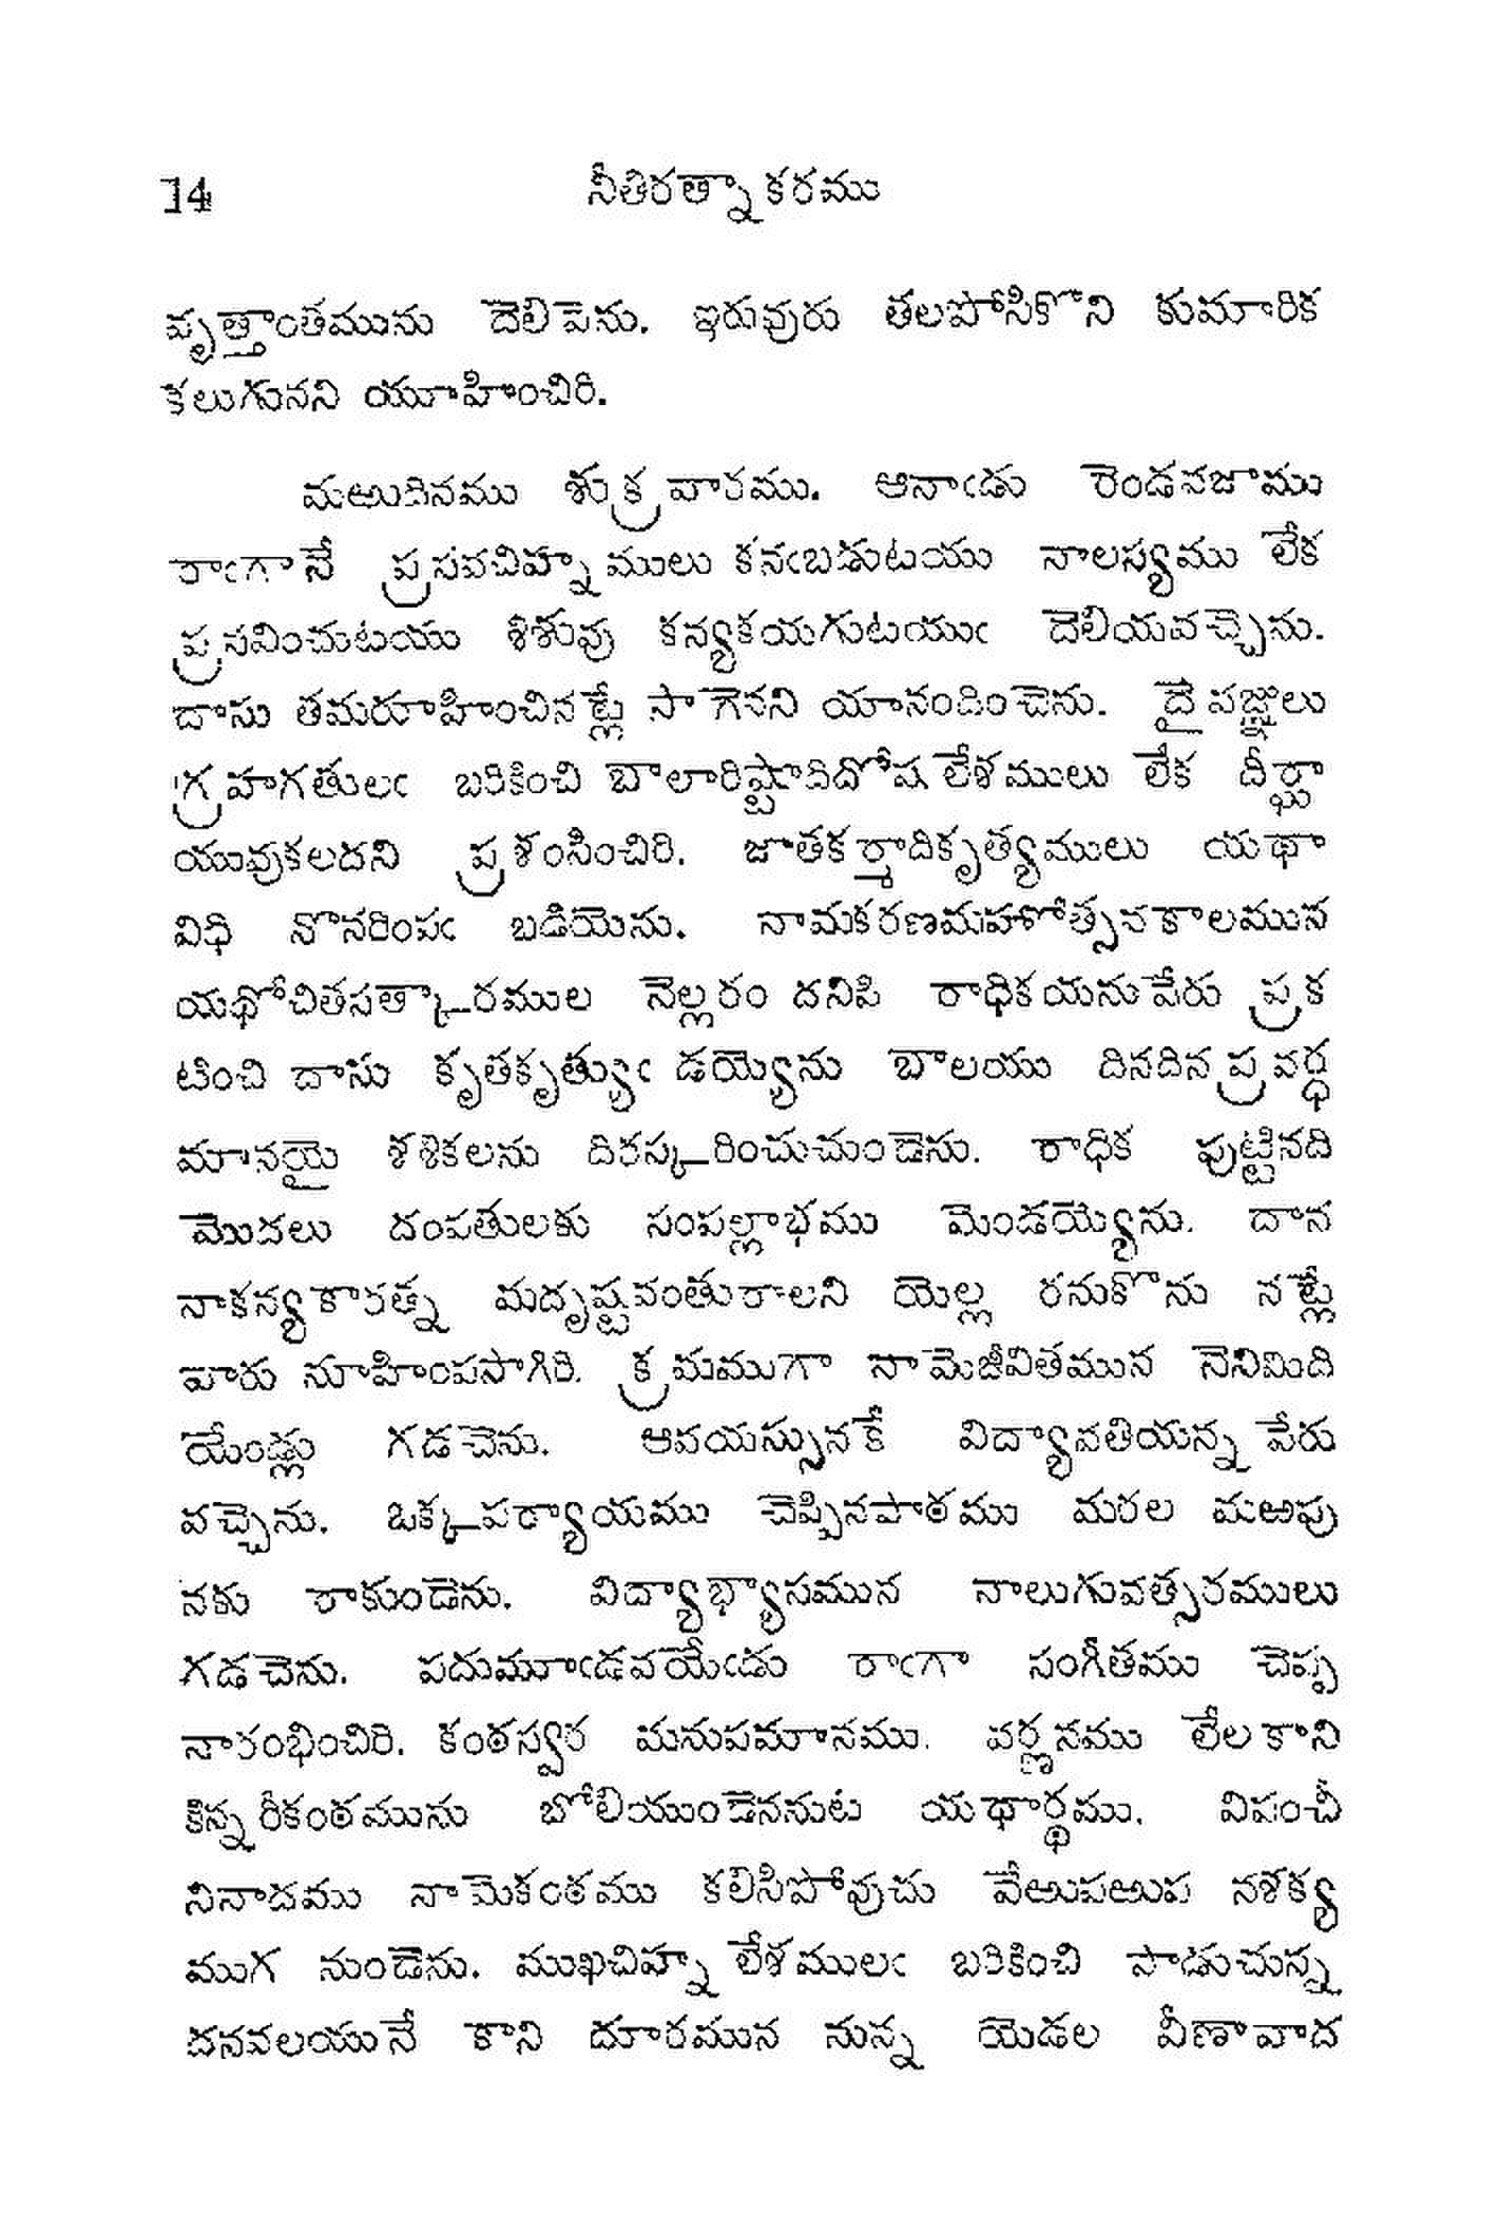వృత్తాంతమును దెలిపెను. ఇరువురు తలపోసికొని కుమారిక కలుగునని యూహించిరి.

మఱుదినము శుక్ర వారము. ఆనాడు రెండవజాము రాఁగానే ప్రసవచిహ్న ములు కనఁబడుటయు నాలస్యము లేక ప్రసవించుటయు శిశువు కన్యకయగుటయుఁ దెలియవచ్చెను. దాసు తమరూహించినట్లే సాగెనని యానందించెను. దైవజ్ఞులు గ్రహగతులఁ బరికించి బాలారిష్టాదిదోష లేశములు లేక దీర్ఘాయువుకలదని ప్రశంసించిరి. జాతక ర్మాదికృత్యములు యథా విధి నొనరింపఁ బడియెను. నామకరణ మహోత్సవకాలమున యథోచితసత్కారముల నెల్లరం దనిపి రాధిక యను పేరు ప్రక టించి దాసు కృతకృత్యుఁ డయ్యెను 'బాలయు దినదిన ప్రవర్ధ మానయై శశికలను దిరస్కరించుచుండెను. రాధిక పుట్టినది మొదలు దంపతులకు సంపల్లాభము మెండయ్యెను. దాన నాకన్య కారత్న మదృష్టవంతురాలని యెల్ల రనుకొను నట్లే వారు నూహింపసాగిరి. క్రమముగా నామెజీవితమున నెనిమిది 'యేండ్లు గడచెను. ఆవయస్సునకే విద్యావతియన్న పేరు వచ్చెను. ఒక్క పర్యాయము చెప్పిన పాఠము మరల మఱపు నకు రాకుండెను. విద్యాభ్యాసమున నాలుగువత్సరములు గడచెను. పదుమూఁడవయేఁడు రాఁగా సంగీతము చెప్ప నారంభించిరి. కంఠస్వర మనుపమానము. వర్ణనము 'లేల కాని కిన్నరీకంఠమును బోలియుండెననుట యధార్ధము. విపంచీ నినాదము నా మెకంఠము కలిసిపోవుచు వేఱుపఱుప నశక్య ముగ నుండెను. ముఖచిహ్న లేశములఁ బరికించి పాడుచున్న దనవలయునే కాని దూరమున నున్న యెడల వీణావాద